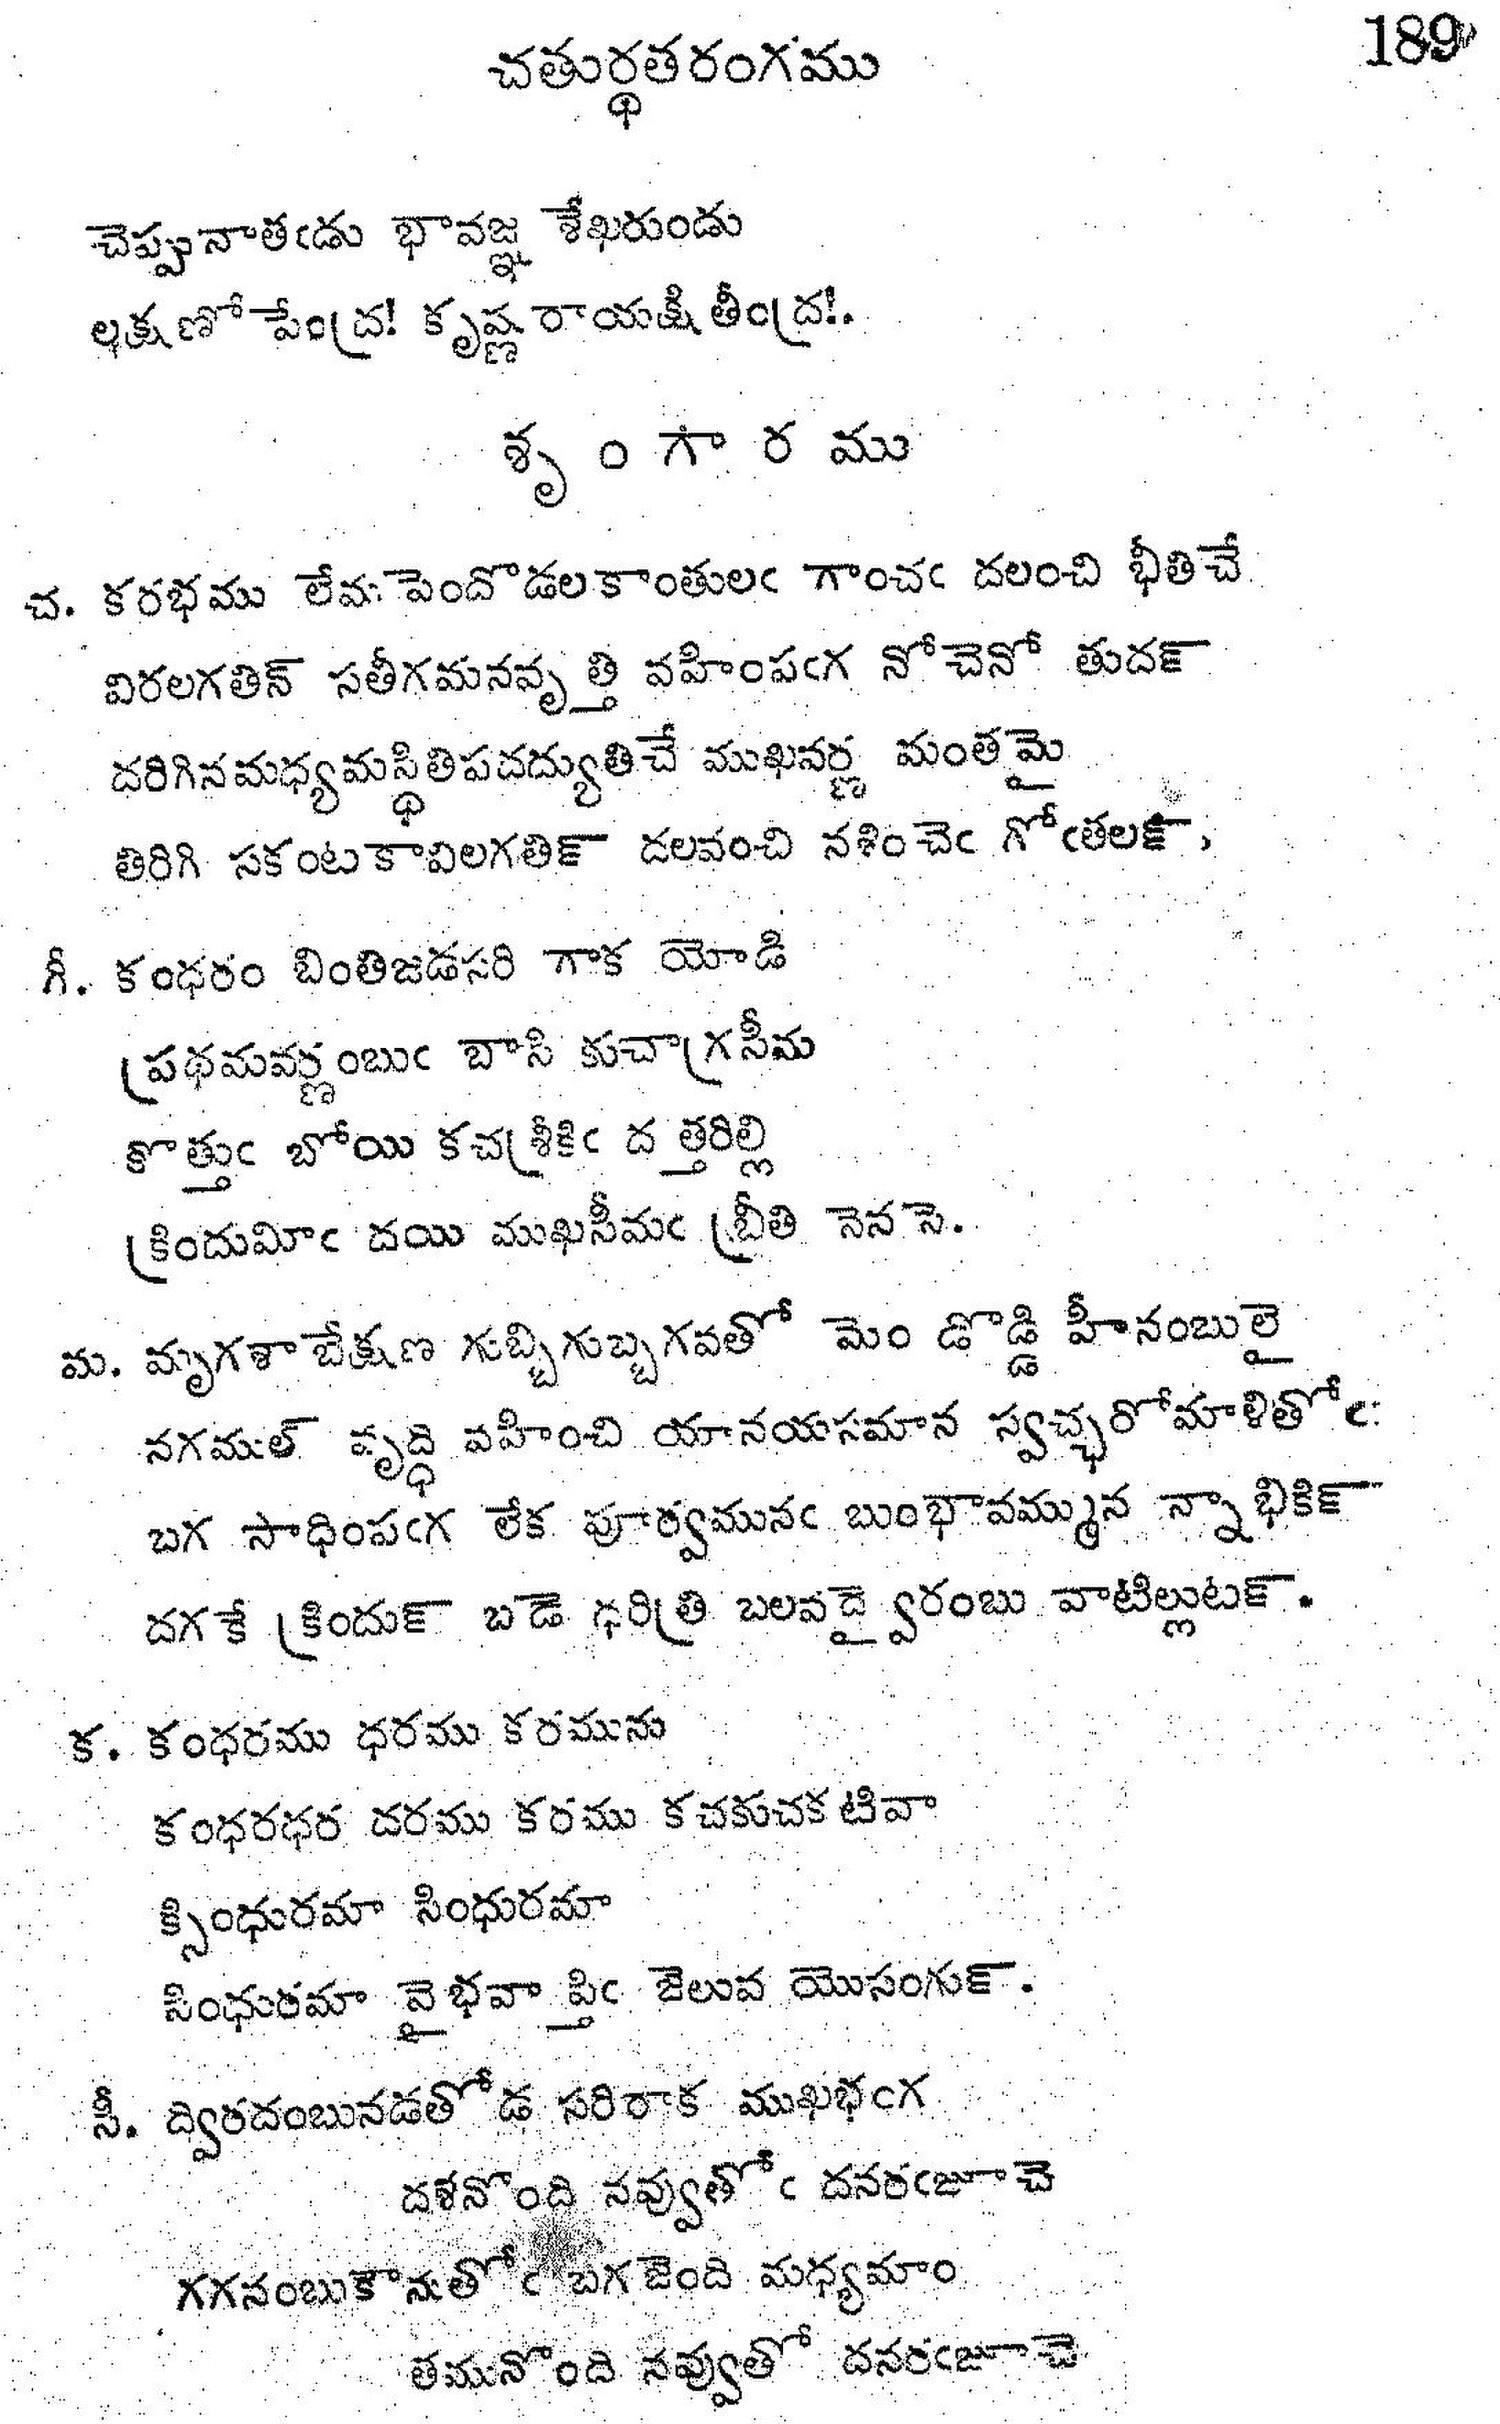చెప్పునాతఁడు భావజ్ఞశేఖరుండు
 లక్షణోపేంద్ర! కృష్ణరాయక్షితీంద్ర!

చ. కరభము లేమపెందొడలకాంతులఁ గాంచఁ దలంచి భీతిచే
 విరలగతిన్ సతీగమనవృత్తి వహింపఁగ నోచెనో తుదన్
 దరిగిన మధ్యమస్థితి పదద్యుతిచే ముఖవర్ణ మంతమై
 తిరిగి సకంటకావిలగతిన్ దలవంచి నశించెఁ గోఁతలన్.

గీ. కంధరం బింతిజడసరి గాక యోడి
 ప్రథమవర్ణంబుఁ బాసి కుచాగ్రసీమ
 కొత్తుఁ బోయి కచశ్రీకిఁ దత్తరిల్లి
 క్రిందుమీఁ దయి ముఖసీమఁ బ్రీతి నెనసె.

మ. మృగశాబేక్షణ గుబ్బిగుబ్బగవతో మెం డొడ్డి హీనంబులై
 నగముల్ వృద్ధి వహించి యానయసమాన స్వచ్ఛరోమాళితోఁ
 బగ సాధింపఁగ లేక పూర్వమునఁ బుంభావమ్మున న్నాభికిన్
 దగకే క్రిందున్ బడె ధరిత్రి బలవద్వైరంబు వాటిల్లుటన్.

క. కంధరము ధరము కరమును
 కంధరధర దరము కరము కచకుచకటివా
 క్సింధురమా సింధురమా
 సింధురమా వైభవాప్తిఁ జెలువ యొసంగున్.

సీ. ద్విరదంబునడతోడ సరిరాక ముఖభంగ
 దశనొంది నవ్వుతోఁ దనరఁజూచె
 గగనంబుకౌనుతోఁ బగజెంది మధ్యమాం
 తము నొంది నవ్వుతో దనరఁజూచె